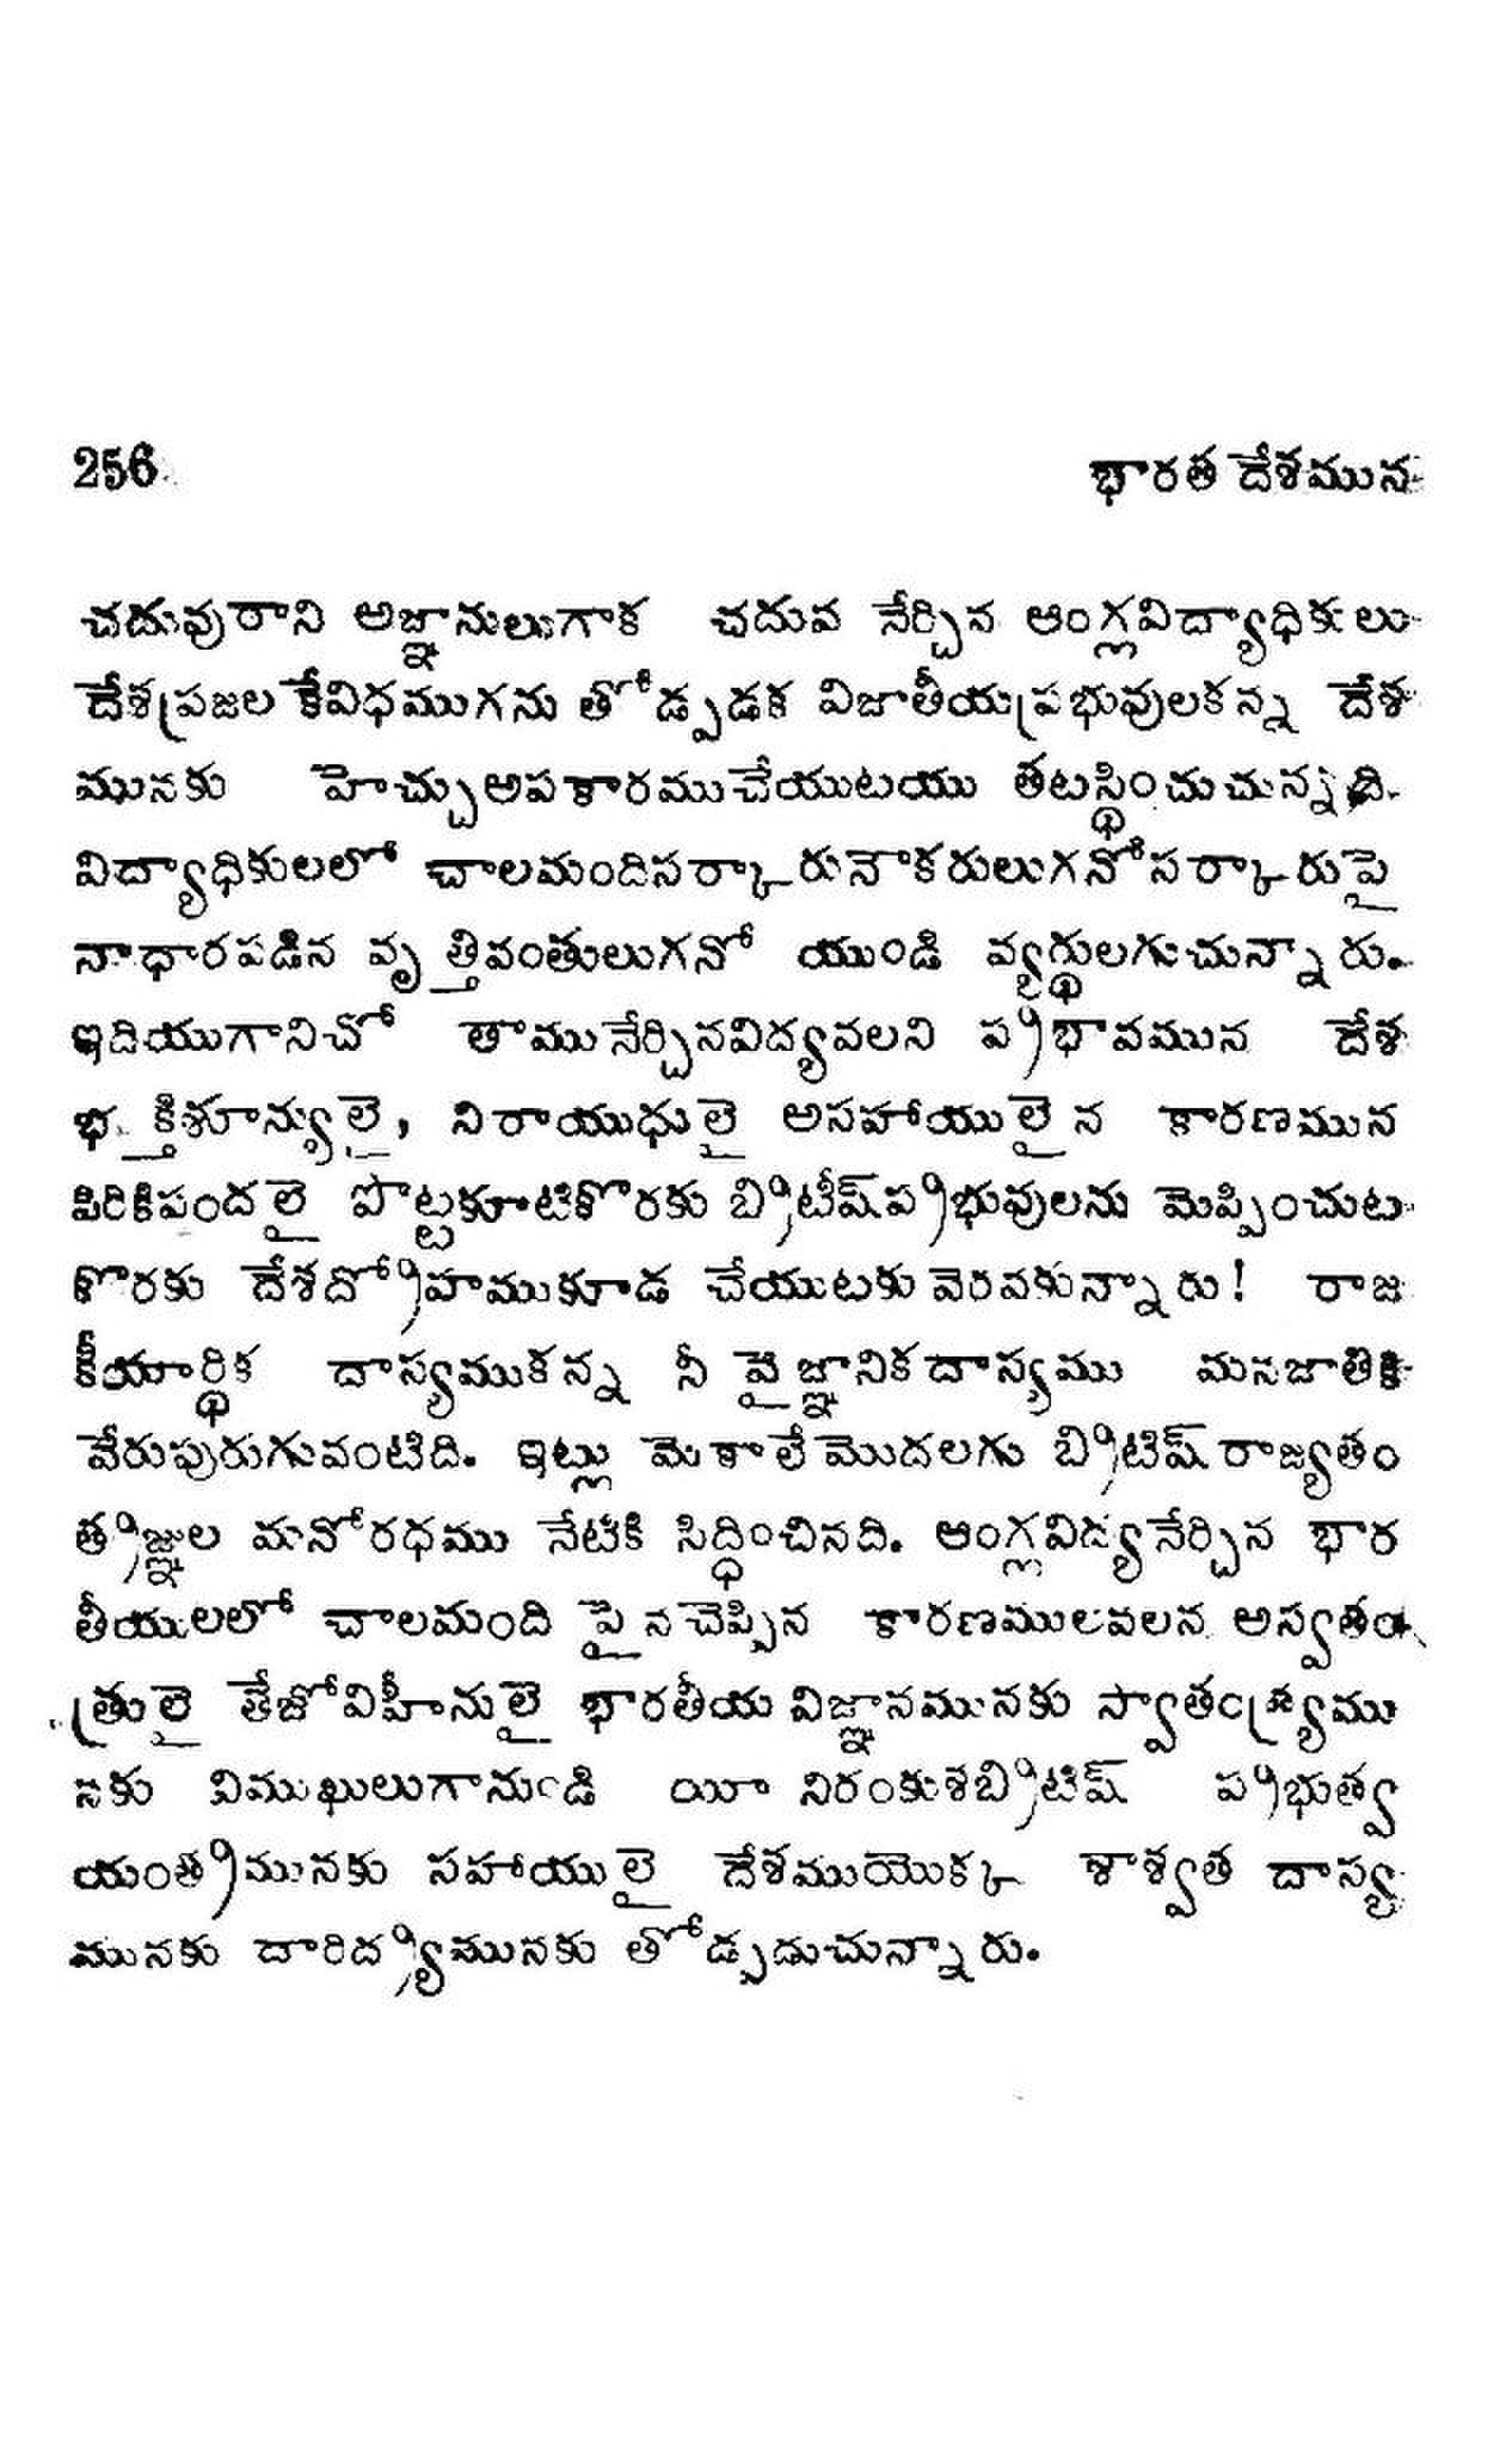చదువురాని అజ్ఞానులుగాక చదువ నేర్చిన ఆంగ్లవిద్యాధికులు దేశప్రజల కేవిధముగను తోడ్పడక విజాతీయప్రభువులకన్న దేశమునకు హెచ్చుఅపకారముచేయుటయు తటస్థించుచున్నది. విద్యాధికులలో చాలమందిసర్కారు నౌకరులుగనో సర్కారుపై నాధారపడిన వృత్తివంతులుగనో యుండి వ్యర్థులగుచున్నారు. ఇదియుగానిచో తామునేర్చినవిద్యవలని ప్రభావమున దేశభక్తిశూన్యులై, నిరాయుధులై అసహాయులైన కారణమున పిరికిపందలై పొట్టకూటికొరకు బ్రిటీష్‌ప్రభువులను మెప్పించుటకొరకు దేశద్రోహముకూడ చేయుటకు వెరవకున్నారు! రాజకీయార్థిక దాస్యముకన్న నీ వైజ్ఞానికదాస్యము మనజాతికి వేరుపురుగువంటిది. ఇట్లు మెకాలే మొదలగు బ్రిటిష్ రాజ్యతంత్రజ్ఞుల మనోరధము నేటికి సిద్ధించినది. ఆంగ్లవిద్యనేర్చిన భారతీయులలో చాలమంది పైనచెప్పిన కారణములవలన అస్వతంత్రులై తేజోవిహీనులై భారతీయవిజ్ఞానమునకు స్వాతంత్ర్యముసకు విముఖులుగానుండి యీ నిరంకుశబ్రిటిష్ ప్రభుత్వయంత్రమునకు సహాయులై దేశముయొక్క శాశ్వత దాస్యమునకు దారిద్ర్యమునకు తోడ్పడుచున్నారు.